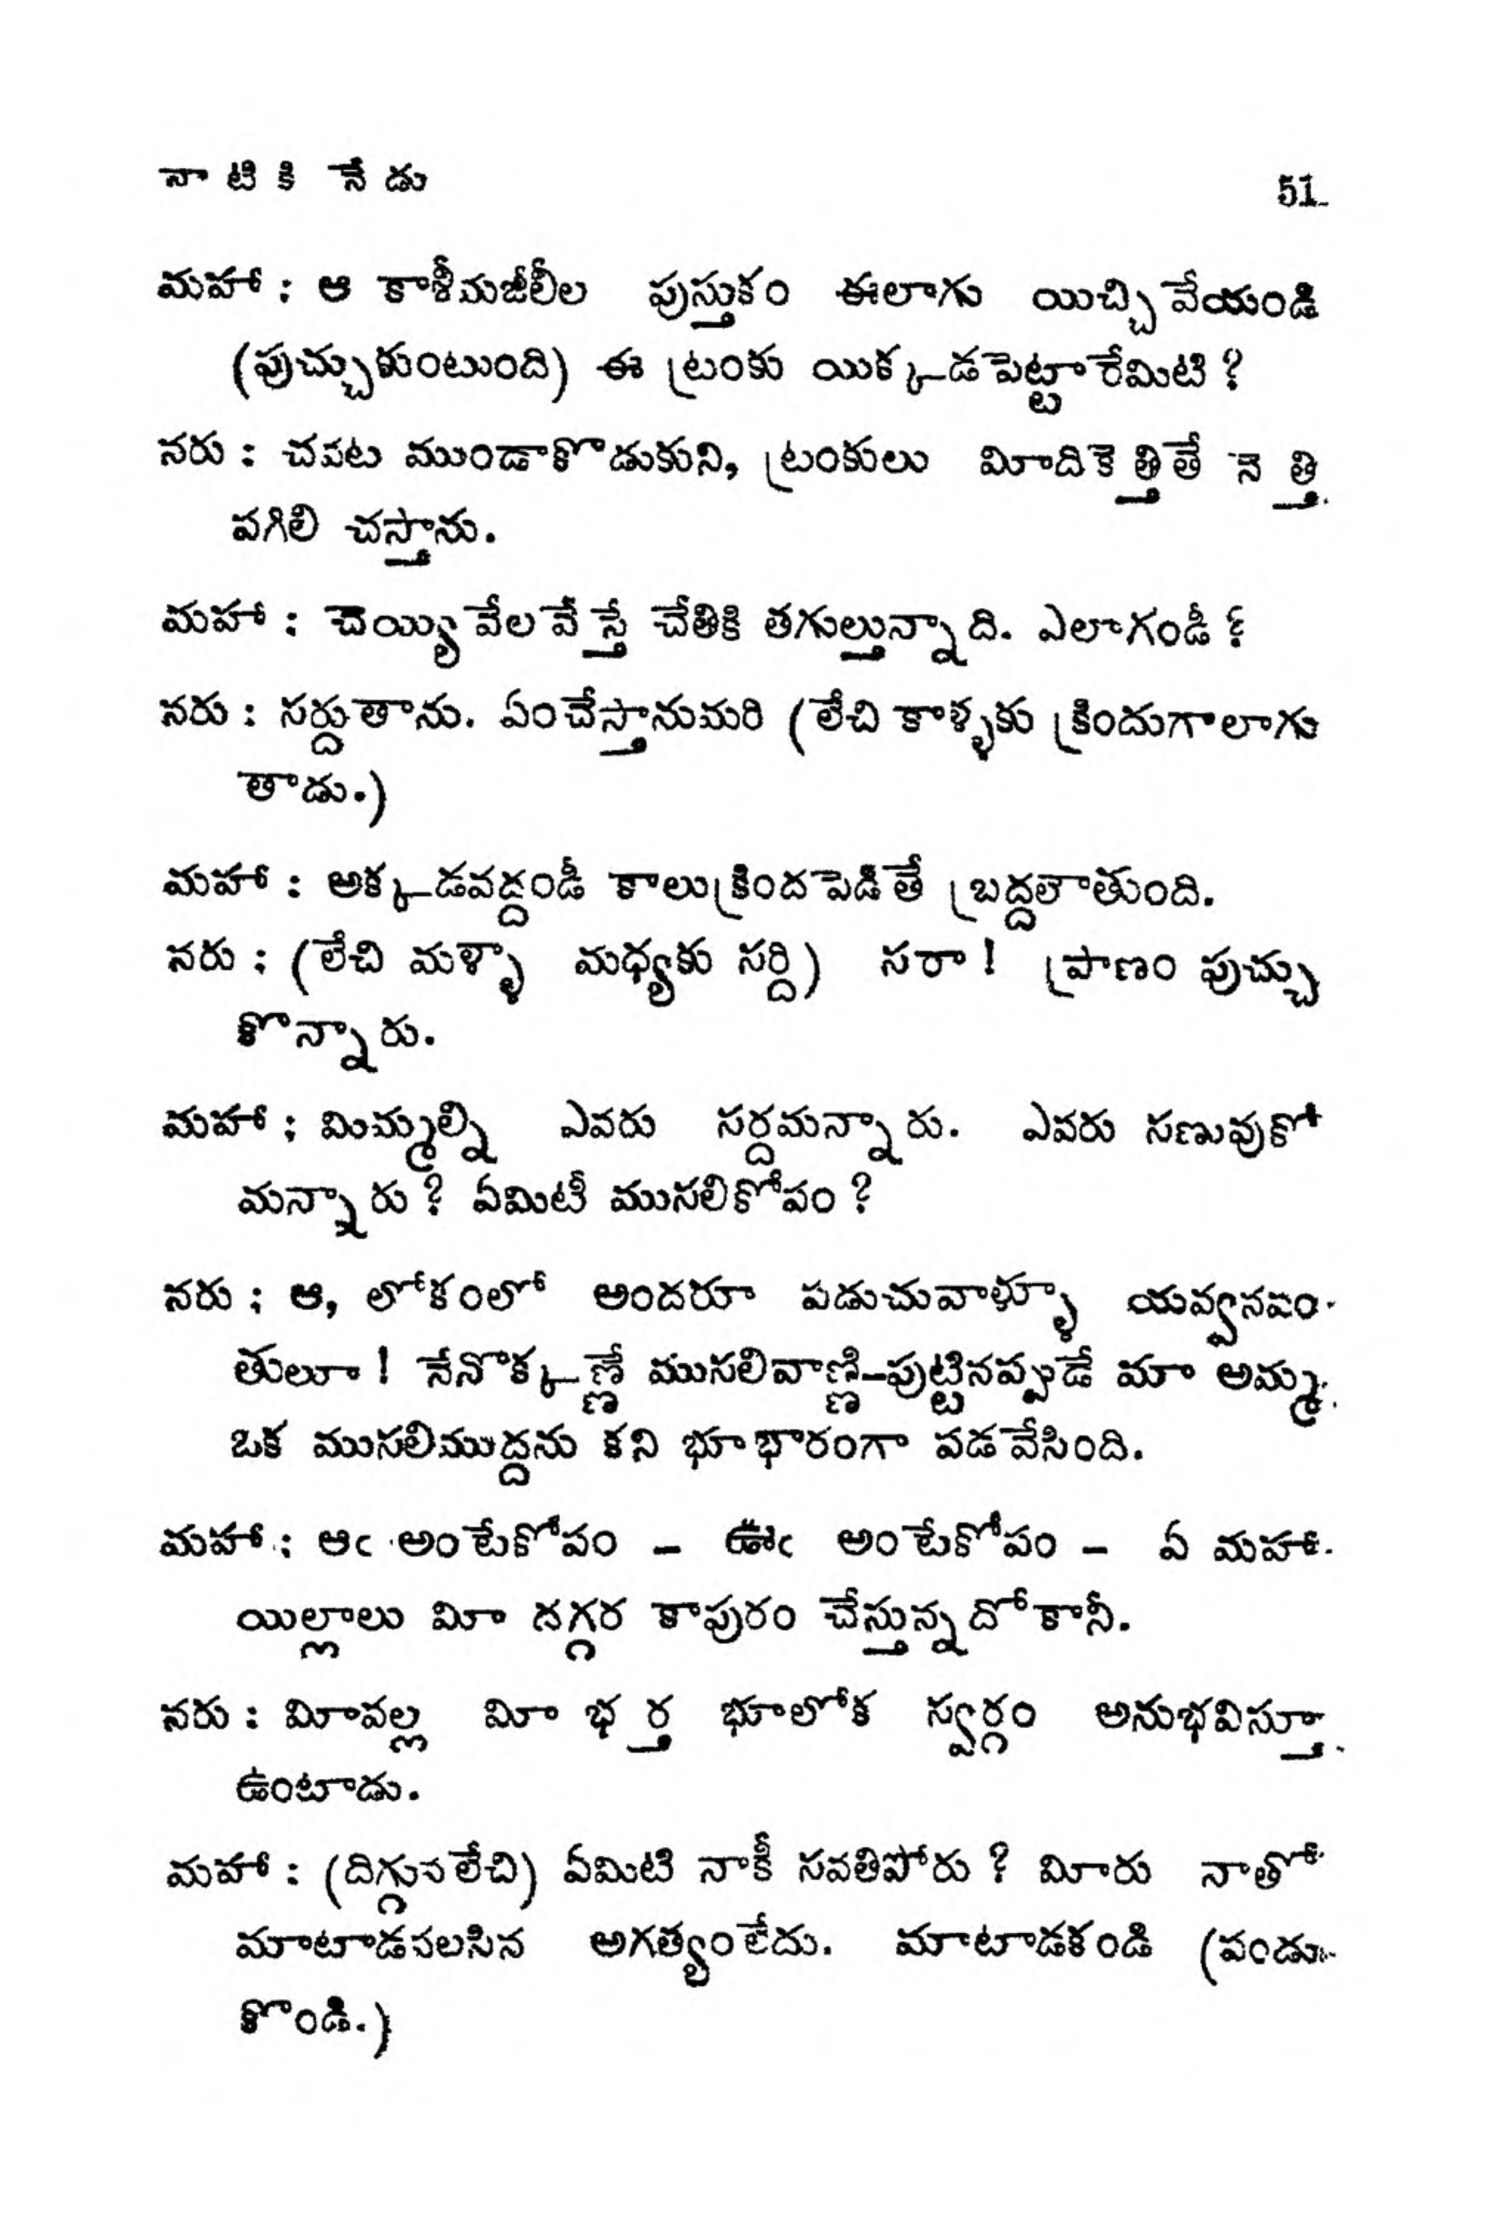మహా : ఆ కాశీమజీలీల పుస్తుకం ఈలాగు యిచ్చి వేయండి (పుచ్చుకుంటుంది) ఈ ట్రంకు యిక్కడపెట్టారేమిటి ?

నరు : చవట ముండాకొడుకుని, ట్రంకులు మీదికెత్తితే నెత్తిపగిలి చస్తాను.

మహా : చెయ్యివేలవేస్తే చేతికి తగుల్తున్నాది. ఎలాగండీ ?

నరు : సర్దుతాను. ఏంచేస్తానుమరి (లేచి కాళ్ళకు క్రిందుగాలాగుతాడు.)

మహా : అక్కడవద్దండీ కాలుక్రిందపెడితే బ్రద్దలౌతుంది.

నరు : (లేచి మళ్ళా మధ్యకు సర్ది) సరా! ప్రాణం పుచ్చుకొన్నారు.

మహా : మిమ్మల్ని ఎవరు సర్దమన్నారు. ఎవరు సణువుకోమన్నారు? ఏమిటీ ముసలికోపం?

నరు : ఆ, లోకంలో అందరూ పడుచువాళ్ళూ యవ్వనవంతులూ! నేనొక్కణ్ణే ముసలివాణ్ణి - పుట్టినప్పుడే మా అమ్మ 
ఒక ముసలిముద్దను కని భూభారంగా పడవేసింది.

మహా : ఆఁ అంటే కోపం - ఊఁ అంటే కోపం - ఏ మహాయిల్లాలు మీ దగ్గర కాపురం చేస్తున్నదోకానీ.

నరు : మీవల్ల మీ భర్త భూలోక స్వర్గం అనుభవిస్తూ ఉంటాడు.

మహా : (దిగ్గున లేచి) ఏమిటి నాకీ సవతిపోరు? మీరు నాతో' మాటాడవలసిన అగత్యం లేదు. మాటాడకండి (పండుకొండి.)